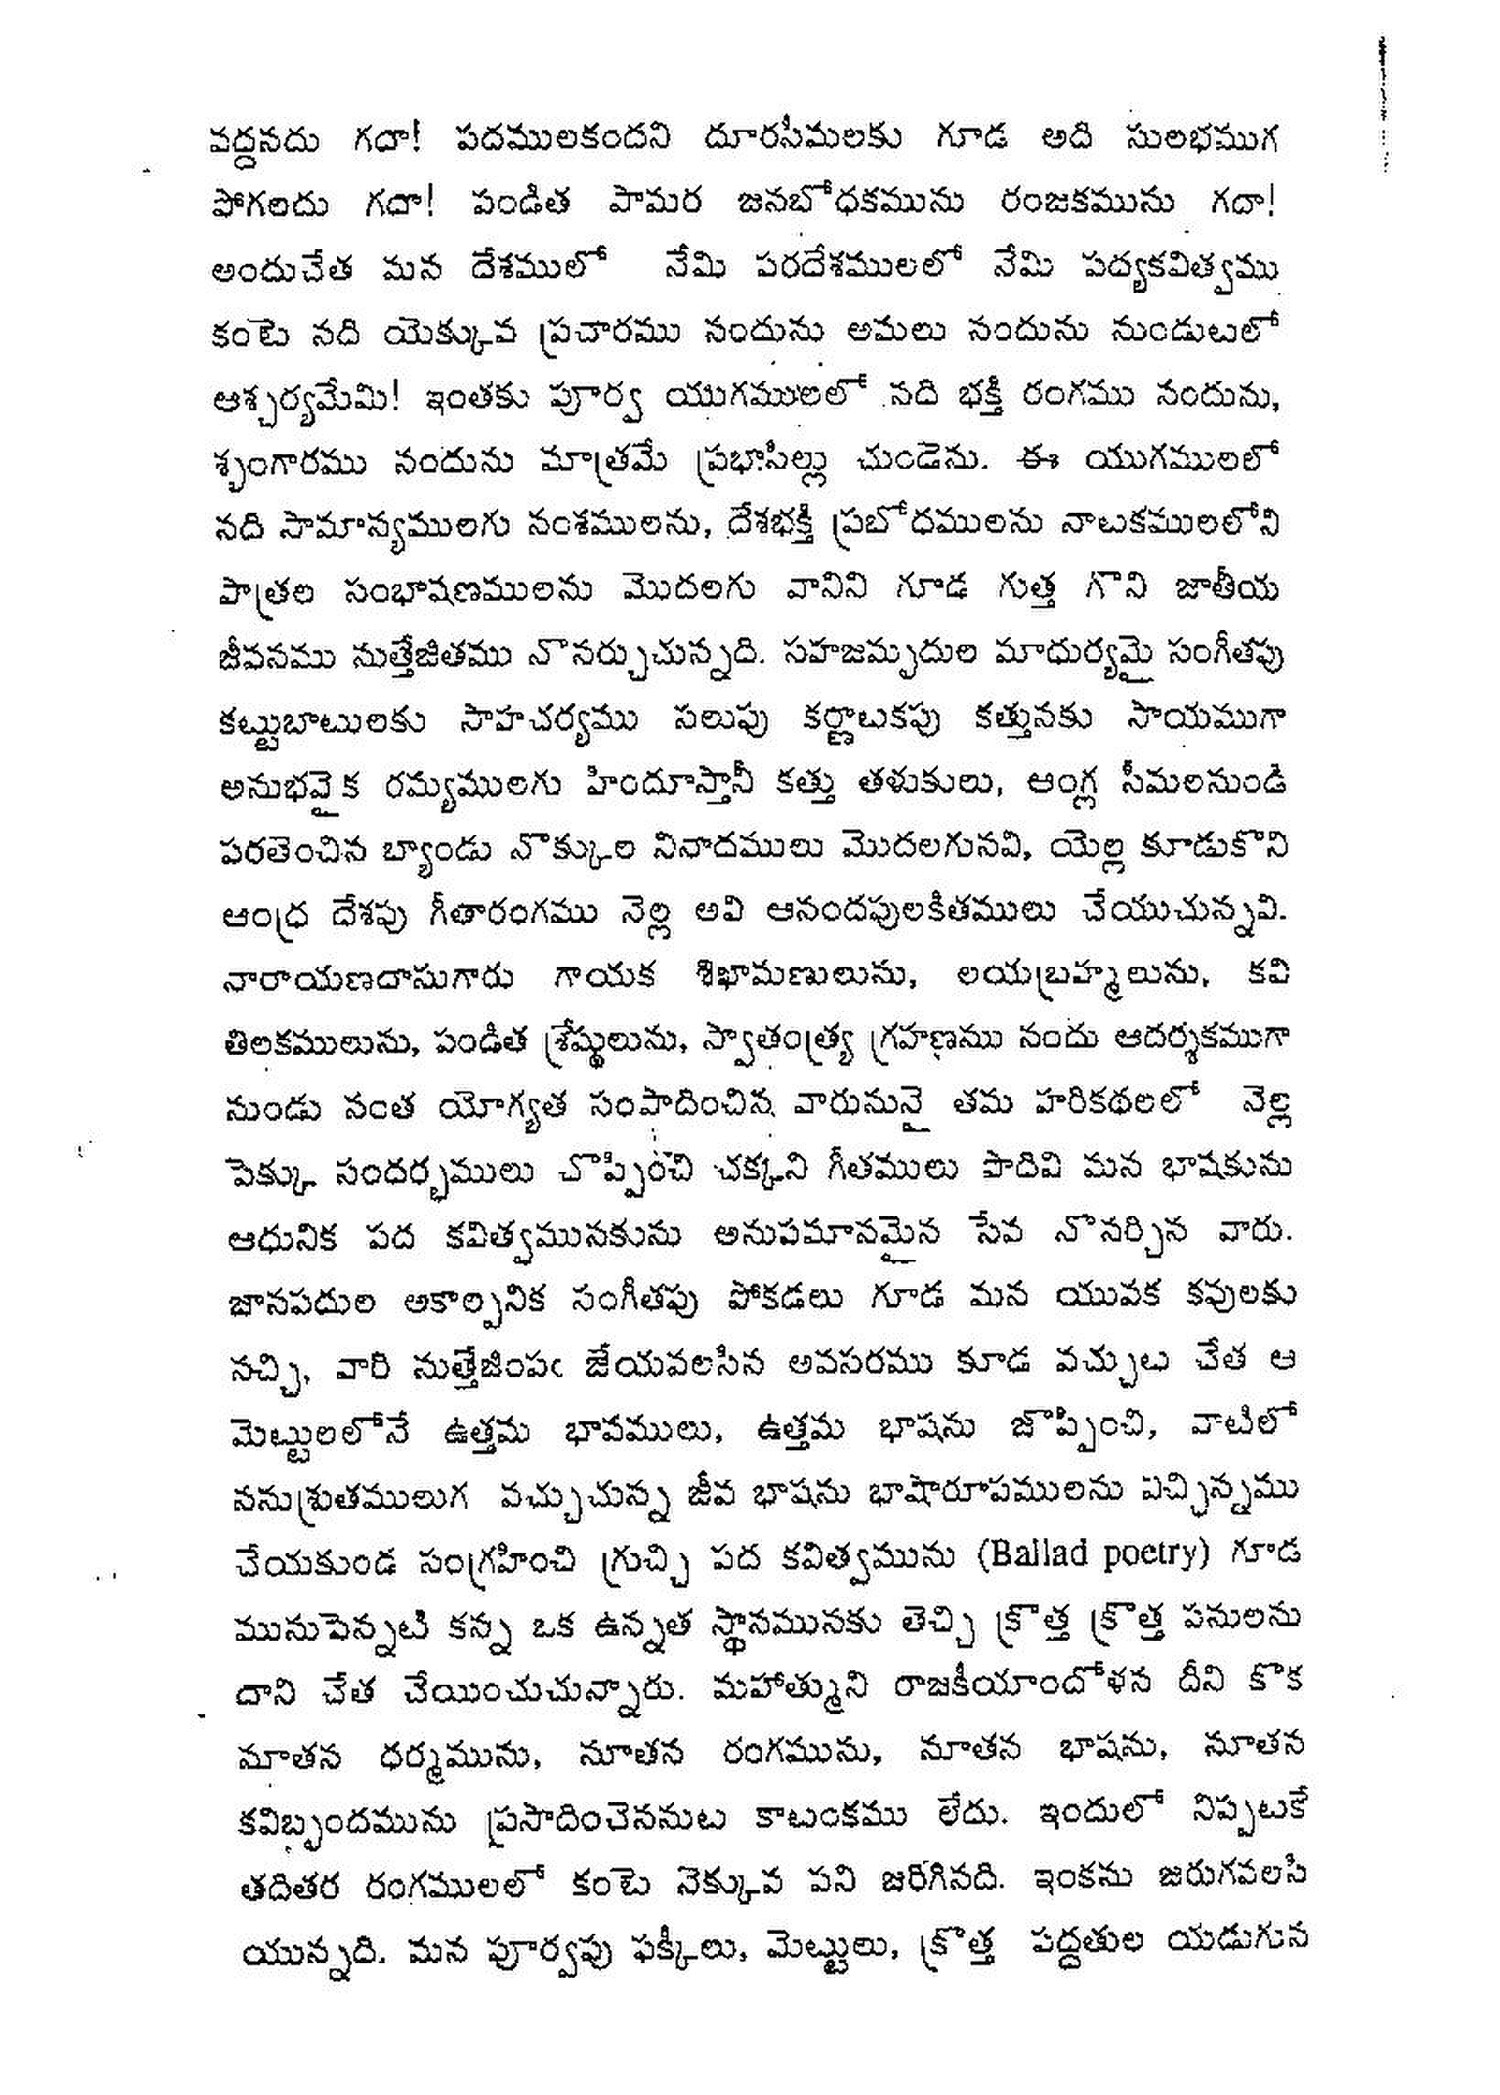వద్దనదు గదా! పదములకందని దూరసీమలకు గూడ అది సులభముగ పోగలదు గదా! పండిత పామర జనబోధకమును రంజకమును గదా! అందుచేత మన దేశములో నేమి పరదేశములలో నేమి పద్యకవిత్వము కంటె నది యెక్కువ ప్రచారము నందును అమలు నందును నుండుటలో ఆశ్చర్యమేమి! ఇంతకు పూర్వ యుగములలో నది భక్తి రంగము నందును, శృంగారము నందును మాత్రమే ప్రభాసిల్లు చుండెను. ఈ యుగములలో నది సామాన్యములగు నంశములను, దేశభక్తి ప్రబోధములను నాటకములలోని పాత్రల సంభాషణములను మొదలగు వానిని గూడ గుత్త గొని జాతీయ జీవనము నుత్తేజితము నొనర్చుచున్నది. సహజమృదుల మాధుర్యమై సంగీతపు కట్టుబాటులకు సాహచర్యము సలుపు కర్ణాటకపు కత్తునకు సాయముగా అనుభవైక రమ్యములగు హిందూస్తానీ కత్తు తళుకులు, ఆంగ్ల సీమలనుండి పరతెంచిన బ్యాండు నొక్కుల నినాదములు మొదలగునవి, యెల్ల కూడుకొని ఆంధ్ర దేశపు గీతారంగము నెల్ల అవి ఆనందపులకితములు చేయుచున్నవి. నారాయణదాసుగారు గాయక శిఖామణులును, లయబ్రహ్మలును, కవి తిలకములును, పండిత శ్రేష్ఠులును, స్వాతంత్ర్య గ్రహణము నందు ఆదర్శకముగా నుండు నంత యోగ్యత సంపాదించిన వారునునై తమ హరికథలలో నెల్ల పెక్కు సందర్బములు చొప్పించి చక్కని గీతములు పొదివి మన భాషకును ఆధునిక పద కవిత్వమునకును అనుపమానమైన సేవ నొనర్చిన వారు. జానపదుల అకాల్పనిక సంగీతపు పోకడలు గూడ మన యువక కవులకు నచ్చి, వారి నుత్తేజింపఁ జేయవలసిన అవసరము కూడ వచ్చుట చేత ఆ మెట్టులలోనే ఉత్తమ బావములు, ఉత్తమ భాషను జొప్పించి, వాటిలో ననుశ్రుతములుగ వచ్చుచున్న జీవ భాషను భాషారూపుములను విచ్చిన్నము చేయకుండ సంగ్రహించి గ్రుచ్చి పద కవిత్వమును (Ballad poetry) గూడ మునుపెన్నటి కన్న ఒక ఉన్నత స్థానమునకు తెచ్చి క్రొత్త క్రొత్త పనులను దాని చేత చేయించుచున్నారు. మహాత్ముని రాజకీయాందోళన దీని కొక నూతన దర్మమును, నూతన రంగమును, నూతన భాషను, నూతన కవిబృందమును ప్రసాదించెననుట కాటంకము లేదు. ఇందులో నిప్పటికే తదితర రంగములలో కంటె నెక్కువ పని జరిగినది. ఇంకను జరుగవలసి యున్నది. మన పూర్వపు ఫక్కీలు, మెట్టులు, క్రొత్త పద్ధతుల యడుగున